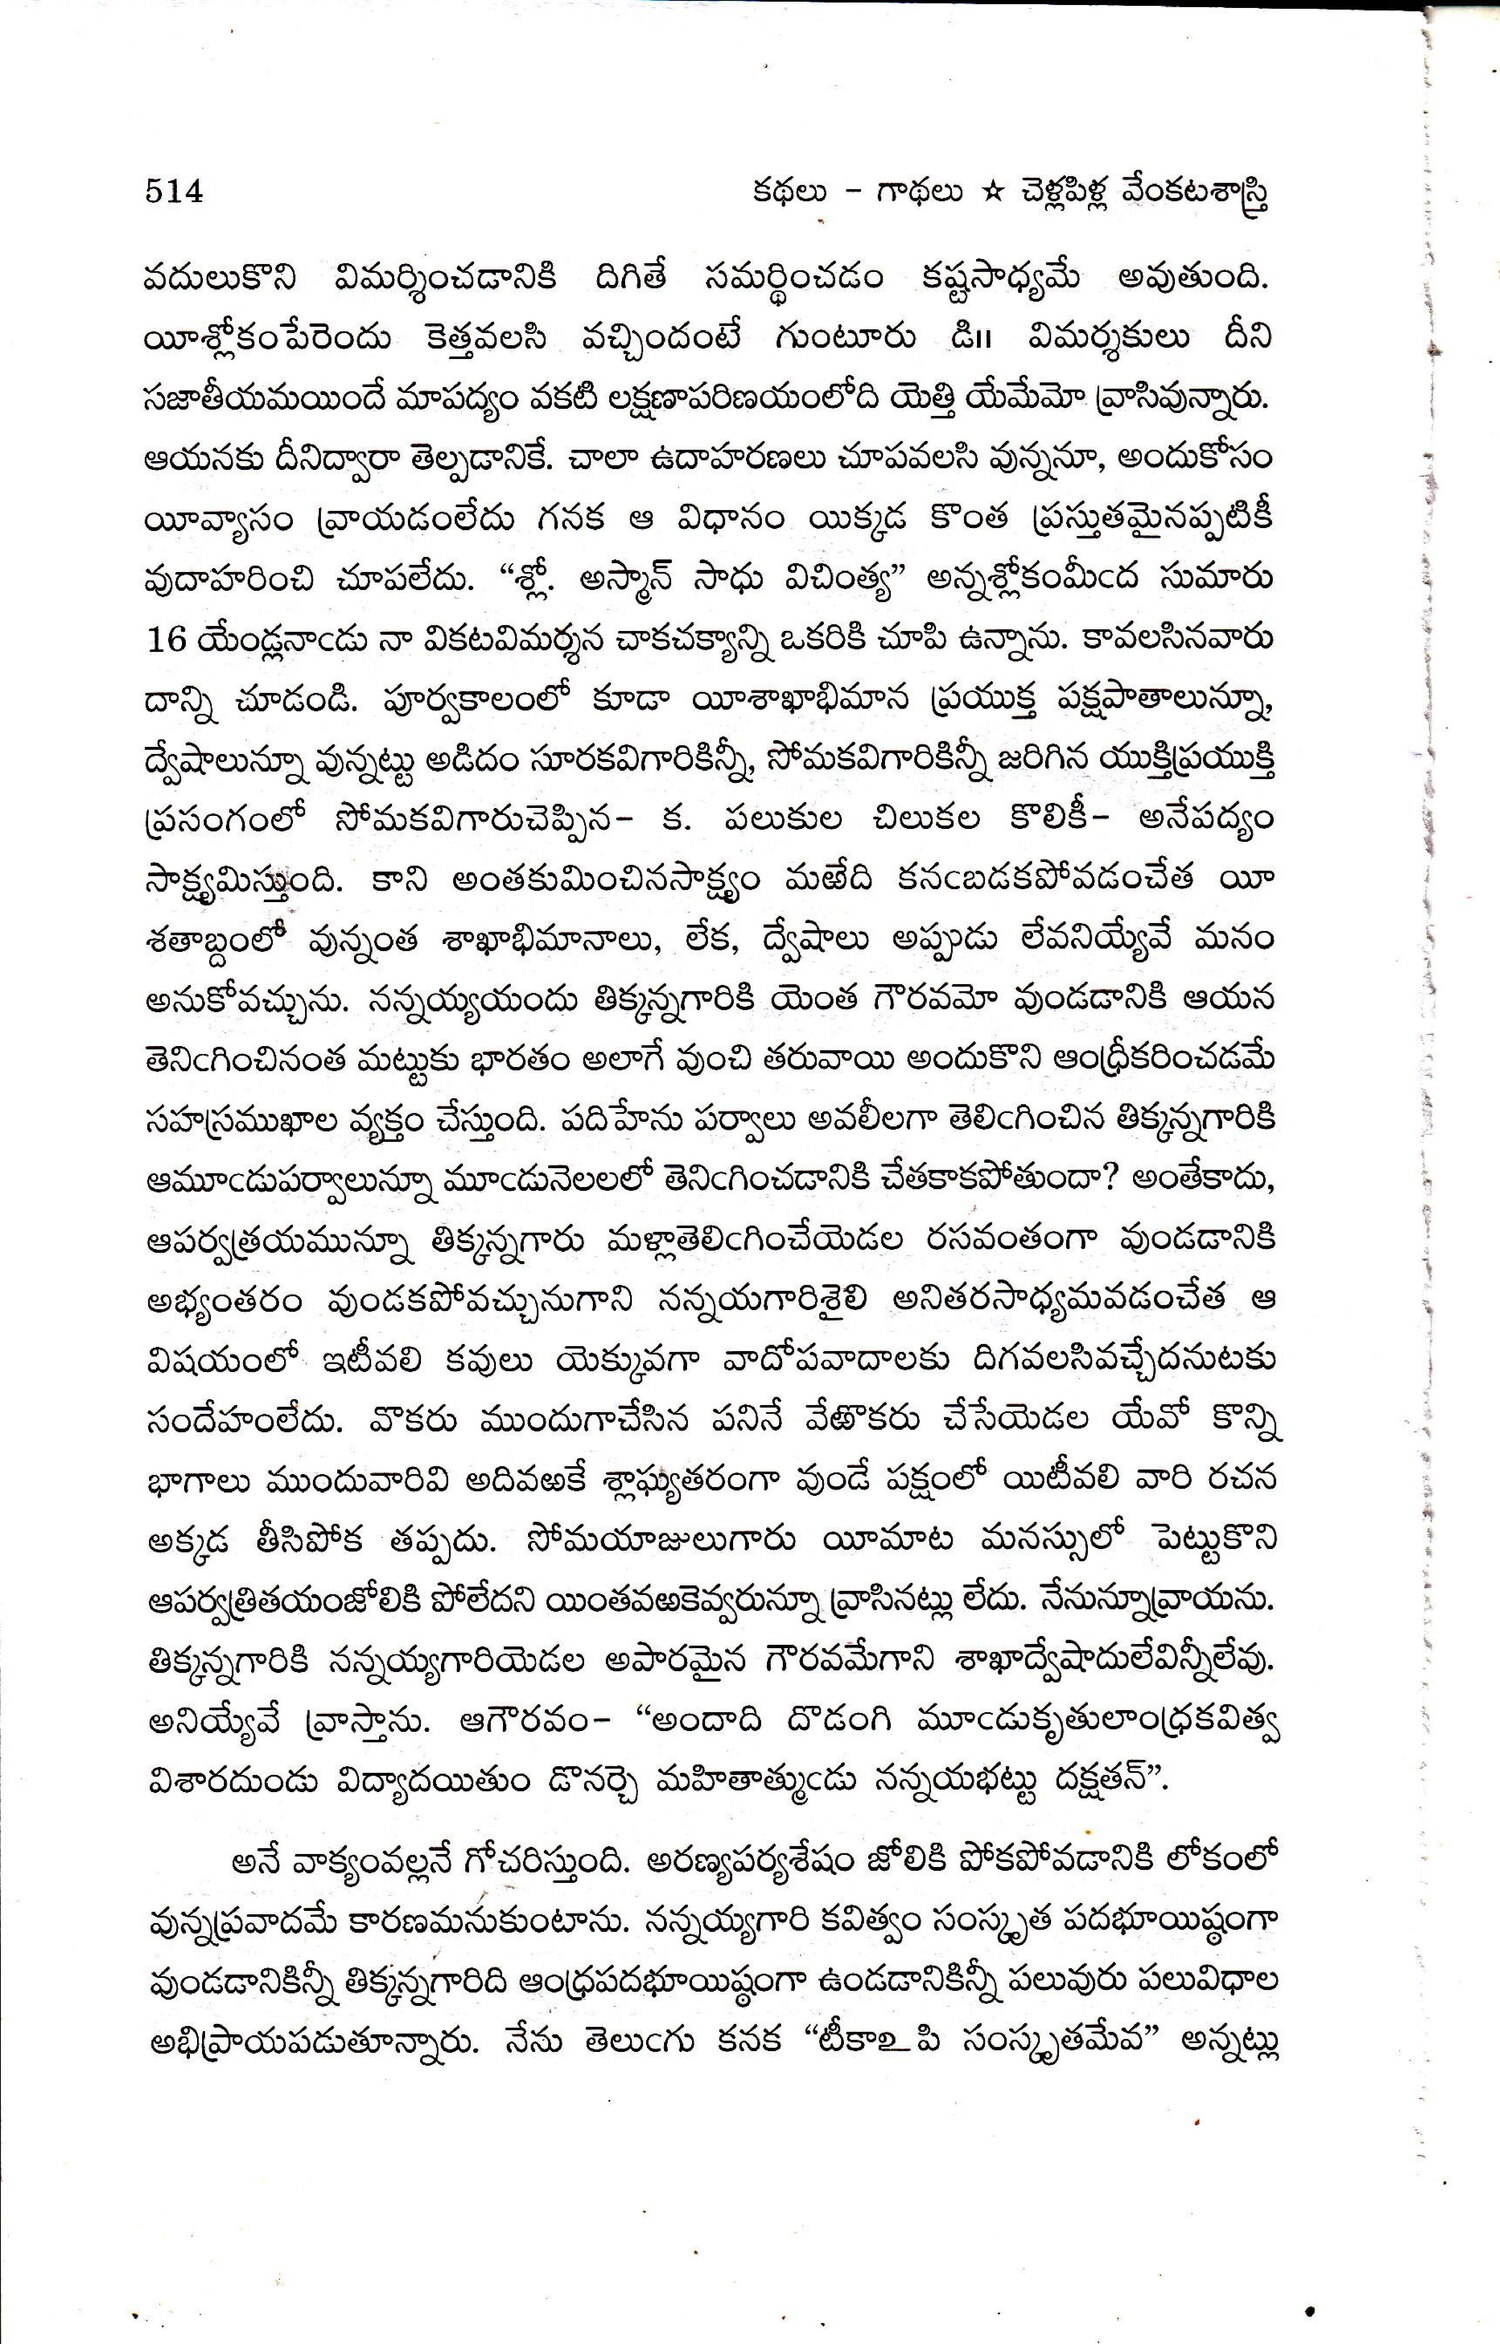వదులుకొని విమర్శించడానికి దిగితే సమర్ధించడం కష్టసాధ్యమే అవుతుంది. యీశ్లోకం పేరెందు కెత్తవలసి వచ్చిందంటే గుంటూరు డి|| విమర్శకులు దీని సజాతీయమయిందే మాపద్యం వకటి లక్షణాపరిణయంలోది యెత్తి యేమేమో వ్రాసివున్నారు. ఆయనకు దీనిద్వారా తెల్పడానికే. చాలా ఉదాహరణలు చూపవలసి వున్ననూ, అందుకోసం యీవ్యాసం వ్రాయడంలేదు గనక ఆ విధానం యిక్కడ కొంత ప్రస్తుతమైనప్పటికీ వుదాహరించి చూపలేదు. "శ్లో అస్మాన్ సాధు విచింత్య" అన్నశ్లోకంమీఁద సుమారు 16 యేండ్లనాఁడు నా వికటవిమర్శన చాకచక్యాన్ని ఒకరికి చూపి ఉన్నాను. కావలసినవారు దాన్ని చూడండి. పూర్వకాలంలో కూడా యీశాఖాభిమాన ప్రయుక్త పక్షపాతాలున్నూ ద్వేషాలున్నూ వున్నట్టు అడిదం సూరకవిగారికిన్నీ సోమకవిగారికిన్నీ జరిగిన యుక్తిప్రయుక్తి ప్రసంగంలో సోమకవిగారుచెప్పిన- క. పలుకుల చిలుకల కొలికీ- అనేపద్యం సాక్ష్యమిస్తుంది. కాని అంతకుమించినసాక్ష్యం మఱేది కనcబడకపోవడంచేత యీ శతాబ్దంలో వున్నంత శాఖాభిమానాలు, లేక, ద్వేషాలు అప్పుడు లేవనియ్యేవే మనం అనుకోవచ్చును. నన్నయ్యయందు తిక్కన్నగారికి యెంత గౌరవమో వుండడానికి ఆయన తెనిఁగించినంత మట్టుకు భారతం అలాగే వుంచి తరువాయి అందుకొని ఆంద్రీకరించడమే సహస్రముఖాల వ్యక్తం చేస్తుంది. పదిహేను పర్వాలు అవలీలగా తెలిఁగించిన తిక్కన్నగారికి ఆమూఁడుపర్వాలున్నూ మూcడునెలలలో తెనిఁగించడానికి చేతకాకపోతుందా? అంతేకాదు, ఆపర్వత్రయమున్నూ తిక్కన్నగారు మళ్లాతెలిఁగించేయెడల రసవంతంగా వుండడానికి అభ్యంతరం వుండకపోవచ్చునుగాని నన్నయగారిశైలి అనితరసాధ్యమవడంచేత ఆ విషయంలో ఇటీవలి కవులు యెక్కువగా వాదోపవాదాలకు దిగవలసివచ్చేదనుటకు సందేహంలేదు. వొకరు ముందుగాచేసిన పనినే వేఱొకరు చేసేయెడల యేవో కొన్ని భాగాలు ముందువారివి అదివఱకే శ్లాఘ్యతరంగా వుండే పక్షంలో యిటీవలి వారి రచన అక్కడ తీసిపోక తప్పదు. సోమయాజులుగారు యీమాట మనస్సులో పెట్టుకొని ఆపర్వత్రితయంజోలికి పోలేదని యింతవఱకెవ్వరున్నూ వ్రాసినట్లు లేదు. నేనున్నూవ్రాయను. తిక్కన్నగారికి నన్నయ్యగారియెడల అపారమైన గౌరవమేగాని శాఖాద్వేషాదులేవిన్నీలేవు. అనియ్యేవే వ్రాస్తాను. ఆగౌరవం- “అందాది దొడంగి మూఁడుకృతులాంధ్రకవిత్వ విశారదుండు విద్యాదయితుం డొనర్చె మహితాత్ముఁడు నన్నయభట్టు దక్షతన్",

అనే వాక్యంవల్లనే గోచరిస్తుంది. అరణ్యపర్యశేషం జోలికి పోకపోవడానికి లోకంలో వున్నప్రవాదమే కారణమనుకుంటాను. నన్నయ్యగారి కవిత్వం సంస్కృత పదభూయిష్ఠంగా వుండడానికిన్నీతిక్కన్నగారిది ఆంధ్రపదభూయిష్ఠంగా ఉండడానికిన్నీ పలువురు పలువిధాల అభిప్రాయపడుతూన్నారు. నేను తెలుగు కనక “టీకా౽పి సంస్కృతమేవ" అన్నట్లు